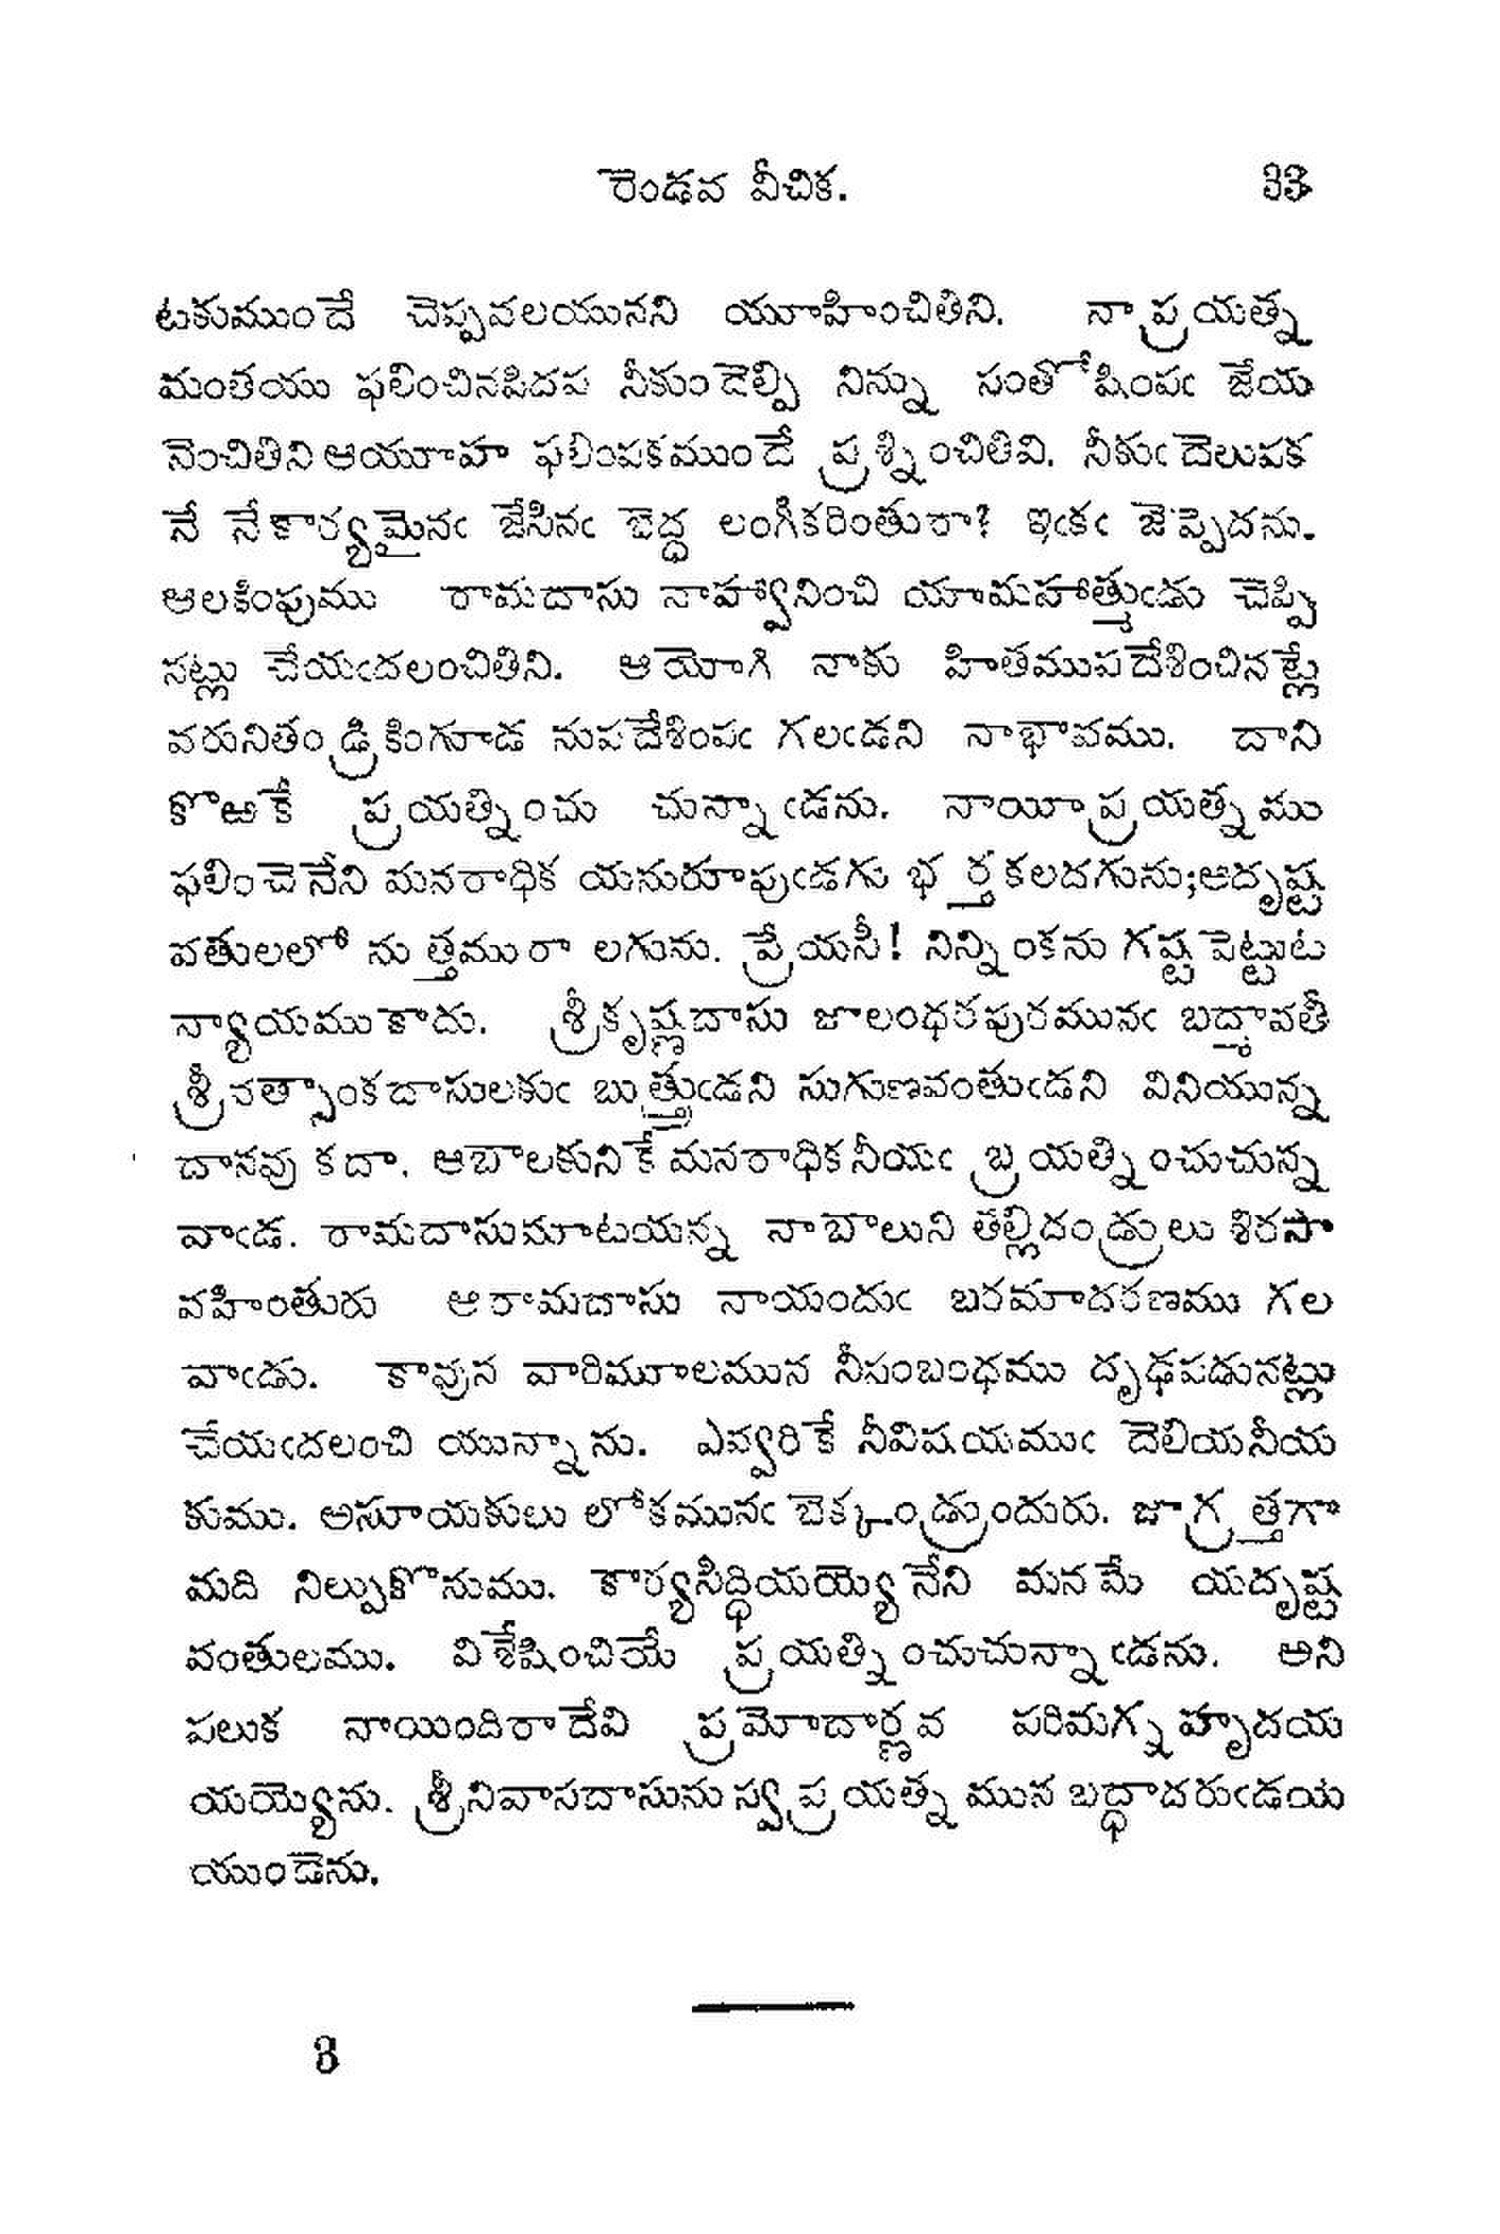టకుముందే చెప్పవలయునని యూహించితిని. నాప్రయత్న మంతయు ఫలించినపిదప నీకుం దెల్ఫి నిన్ను సంతోషింపఁ జేయ నెంచితిని ఆయూహ ఫలింపకముండే ప్రశ్నించితివి. నీకుఁ దెలుపక నే నేకార్యమైనఁ జేసినఁ బెద్ద లంగీకరింతుగా? ఇకఁ జెప్పెదను. ఆలకింపుము రామదాసు నాహ్వానించి యామహాత్ముఁడు చెప్పి సట్లు చేయఁదలంచితిని. ఆయోగి నాకు హితముపదేశించినట్లే వరునితండ్రి కింగూడ నుప దేశింపఁ గలఁడని నాభావము. దాని కొఱకే ప్రయత్నించు చున్నాఁడను. నాయీ ప్రయత్నము ఫలించెనేని మనరాధిక యనురూపుఁడగు భర్తకలదగును;అదృష్టవతులలో నుత్తమురా లగును. ప్రేయసీ! నిన్నింకను గష్ట పెట్టుట న్యాయము కాదు. శ్రీకృష్ణ దాసు జాలంధర పురమునఁ బద్మావతీ శ్రీవత్సాంకదాసులకుఁ బుత్రుఁడని సుగుణవంతుఁడని వినియున్న దానవు కదా, ఆబాలకునికే మనరాధిక నీయఁ బ్రయత్నించుచున్న వాఁడ. రామదాసుమాటయన్న నా బాలుని తల్లిదండ్రులు శిరసా వహింతురు ఆరామదాసు నాయందుఁ బరమాదరణము గల వాఁడు. కావున వారిమూలమున నీసంబంధము దృఢపడునట్లు చేయఁదలంచి యున్నాను. ఎవ్వరికే నీవిషయముఁ దెలియనీయకుము. అసూయకులు లోకమునఁ బెక్కం డ్రుందురు. జాగ్ర త్తగా మదినిల్పుకొనుము. కార్యసిద్ధియయ్యె నేని మనమే యదృష్ట వంతులము. విశేషించియే ప్రయత్నించుచున్నాఁడను. అని పలుక నాయిందిరా దేవి ప్రమోదార్ణవ పరిమగ్నహృదయ యయ్యెను. శ్రీనివాసదాసును స్వప్రయత్నమున బద్ధాదరుఁడయె యుండెను,